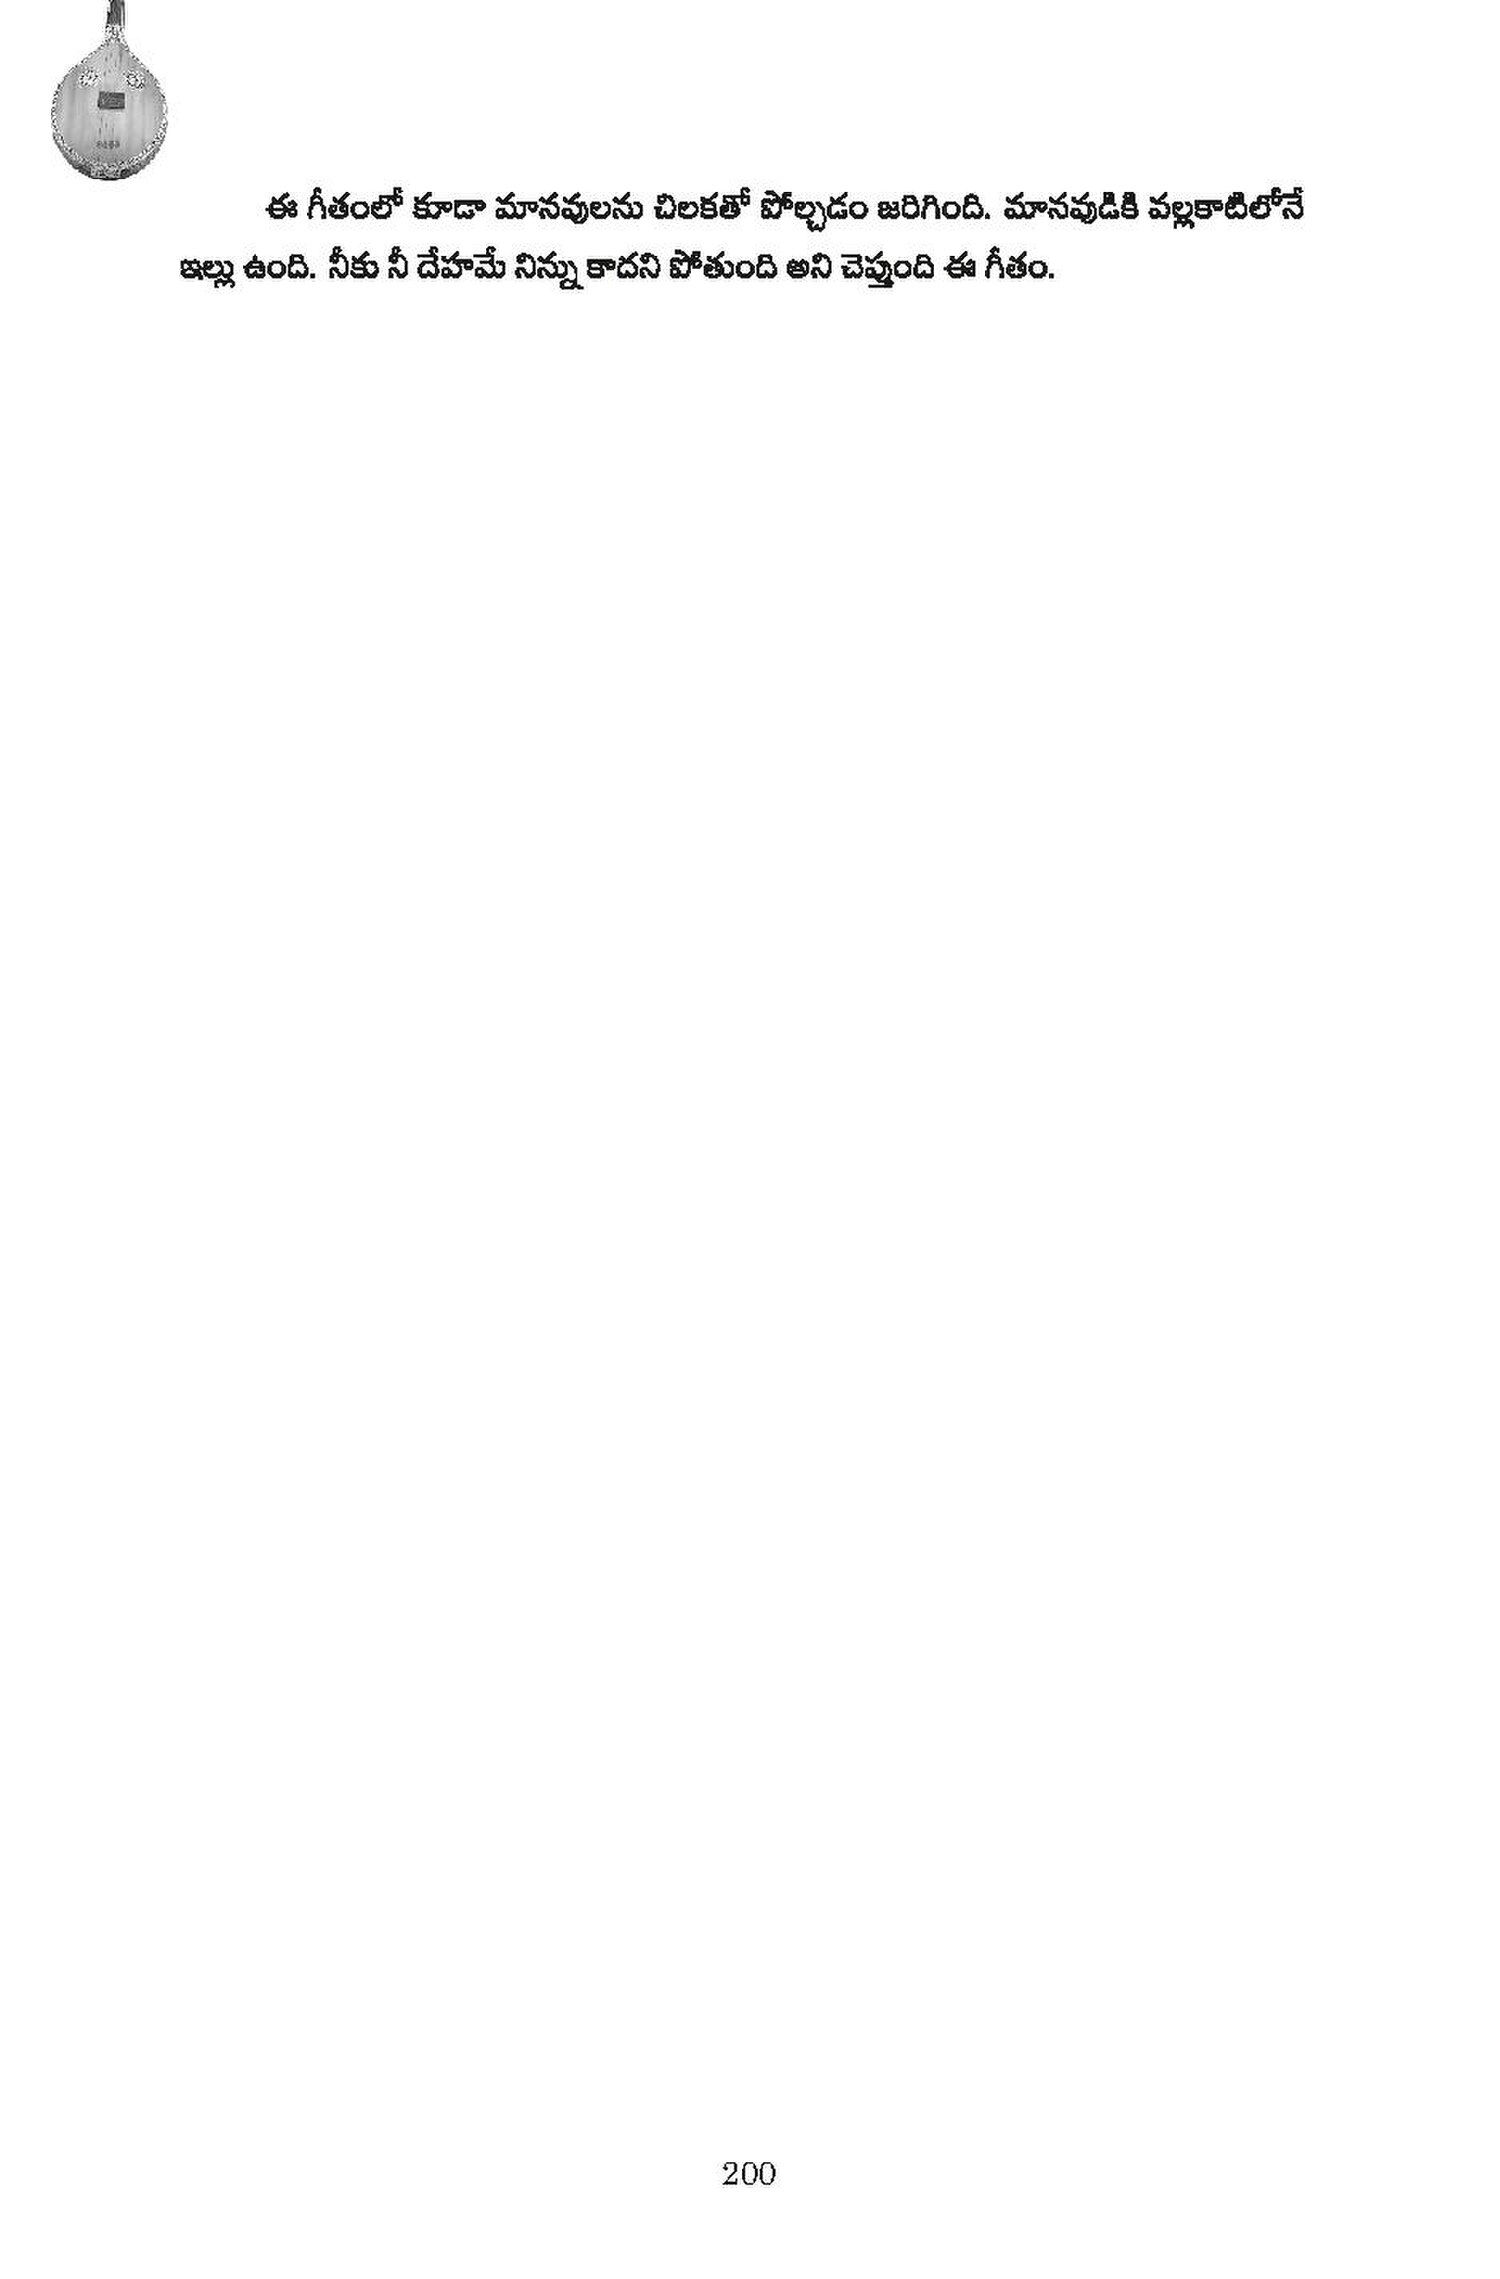ఈ గీతంలో కూడా మానవులను చిలకతో పోల్చడం జరిగింది. మానవుడికి వల్లకాటిలోనే ఇల్లు ఉంది. నీకు నీ దేహమే నిన్ను కాదని పోతుంది అని చెప్తుంది ఈ గీతం.